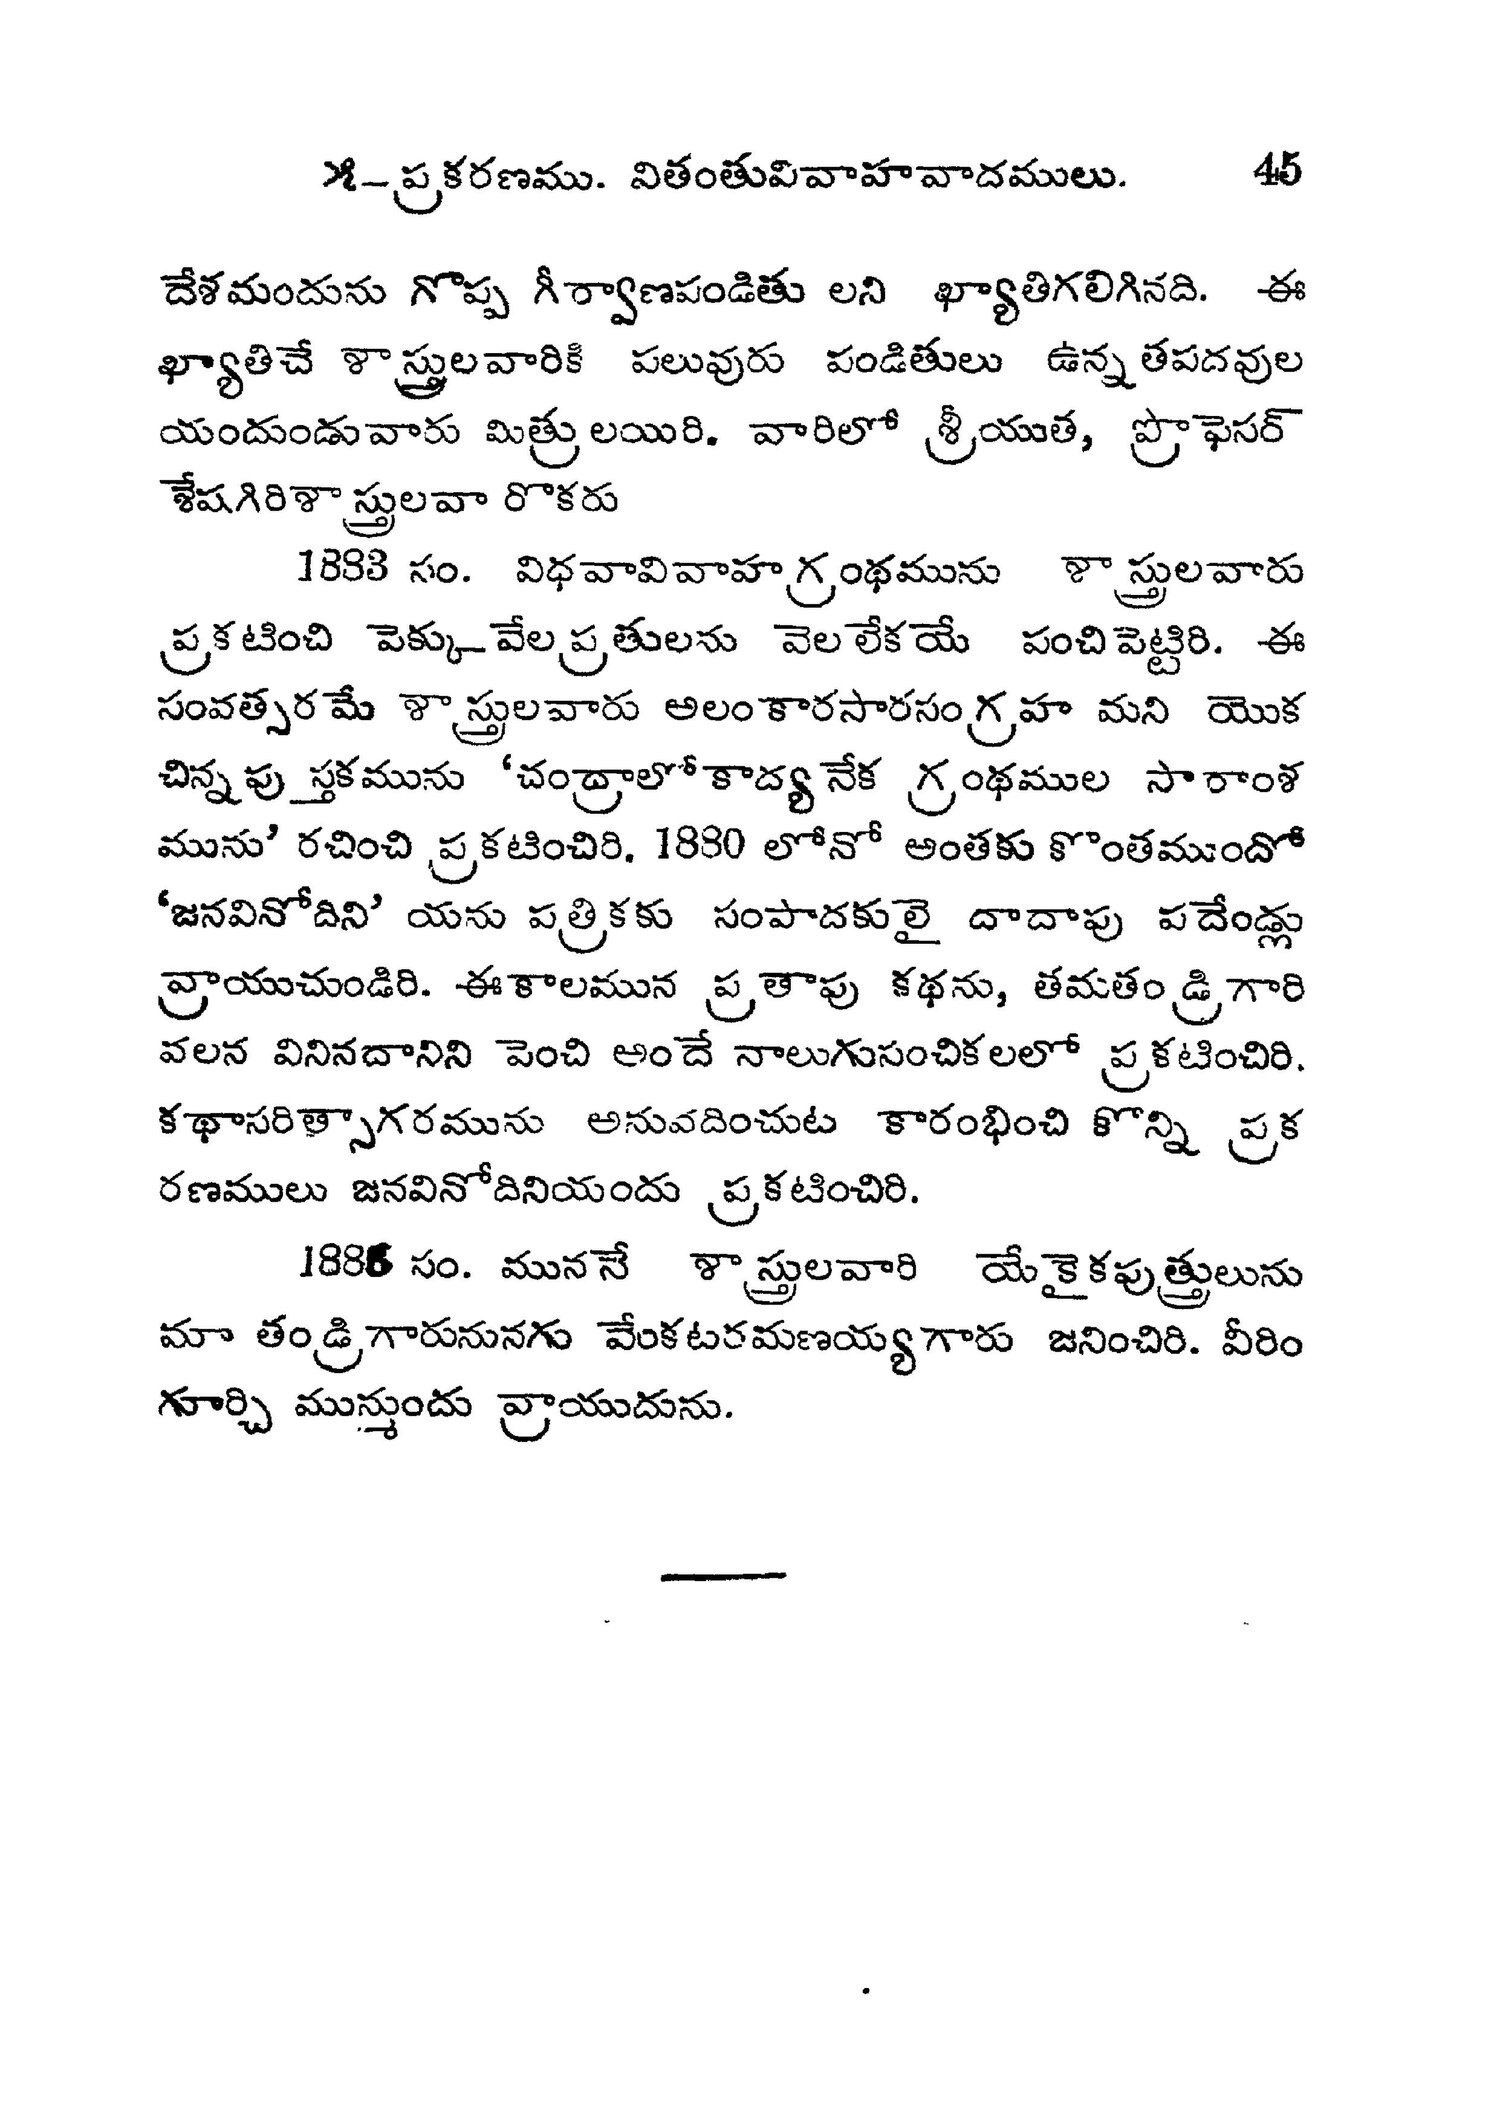దేశమందును గొప్ప గీర్వాణపండితు లని ఖ్యాతిగలిగినది. ఈ ఖ్యాతిచే శాస్త్రులవారికి పలువురు పండితులు ఉన్నతపదవుల యందుండువారు మిత్రులయిరి. వారిలో శ్రీయుత, ప్రొఫెసర్ శేషగిరిశాస్త్రులవా రొకరు.

1883 సం. విధవావివాహగ్రంథమును శాస్త్రులవారు ప్రకటించి పెక్కువేలప్రతులను వెల లేకయే పంచిపెట్టిరి. ఈ సంవత్సరమే శాస్త్రులవారు అలంకారసారసంగ్రహ మని యొక చిన్నపుస్తకమును 'చంద్రాలోకాద్యనేక గ్రంథముల సారాంశమును' రచించి ప్రకటించిరి. 1880 లోనో అంతకు కొంతముందో 'జనవినోదిని' యను పత్రికకు సంపాదకులై దాదాపు పదేండ్లు వ్రాయుచుండిరి. ఈకాలమున ప్రతాపు కథను, తమతండ్రిగారి వలన వినినదానిని పెంచి అందే నాలుగుసంచికలలో ప్రకటించిరి. కథాసరిత్సాగరమును అనువదించుట కారంభించి కొన్ని ప్రకరణములు జనవినోదినియందు ప్రకటించిరి.

1886 సం. ముననే శాస్త్రులవారి యేకైకపుత్త్రులును మా తండ్రిగారునునగు వేంకటరమణయ్యగారు జనించిరి. వీరింగూర్చి మున్ముందు వ్రాయుదును.

_________